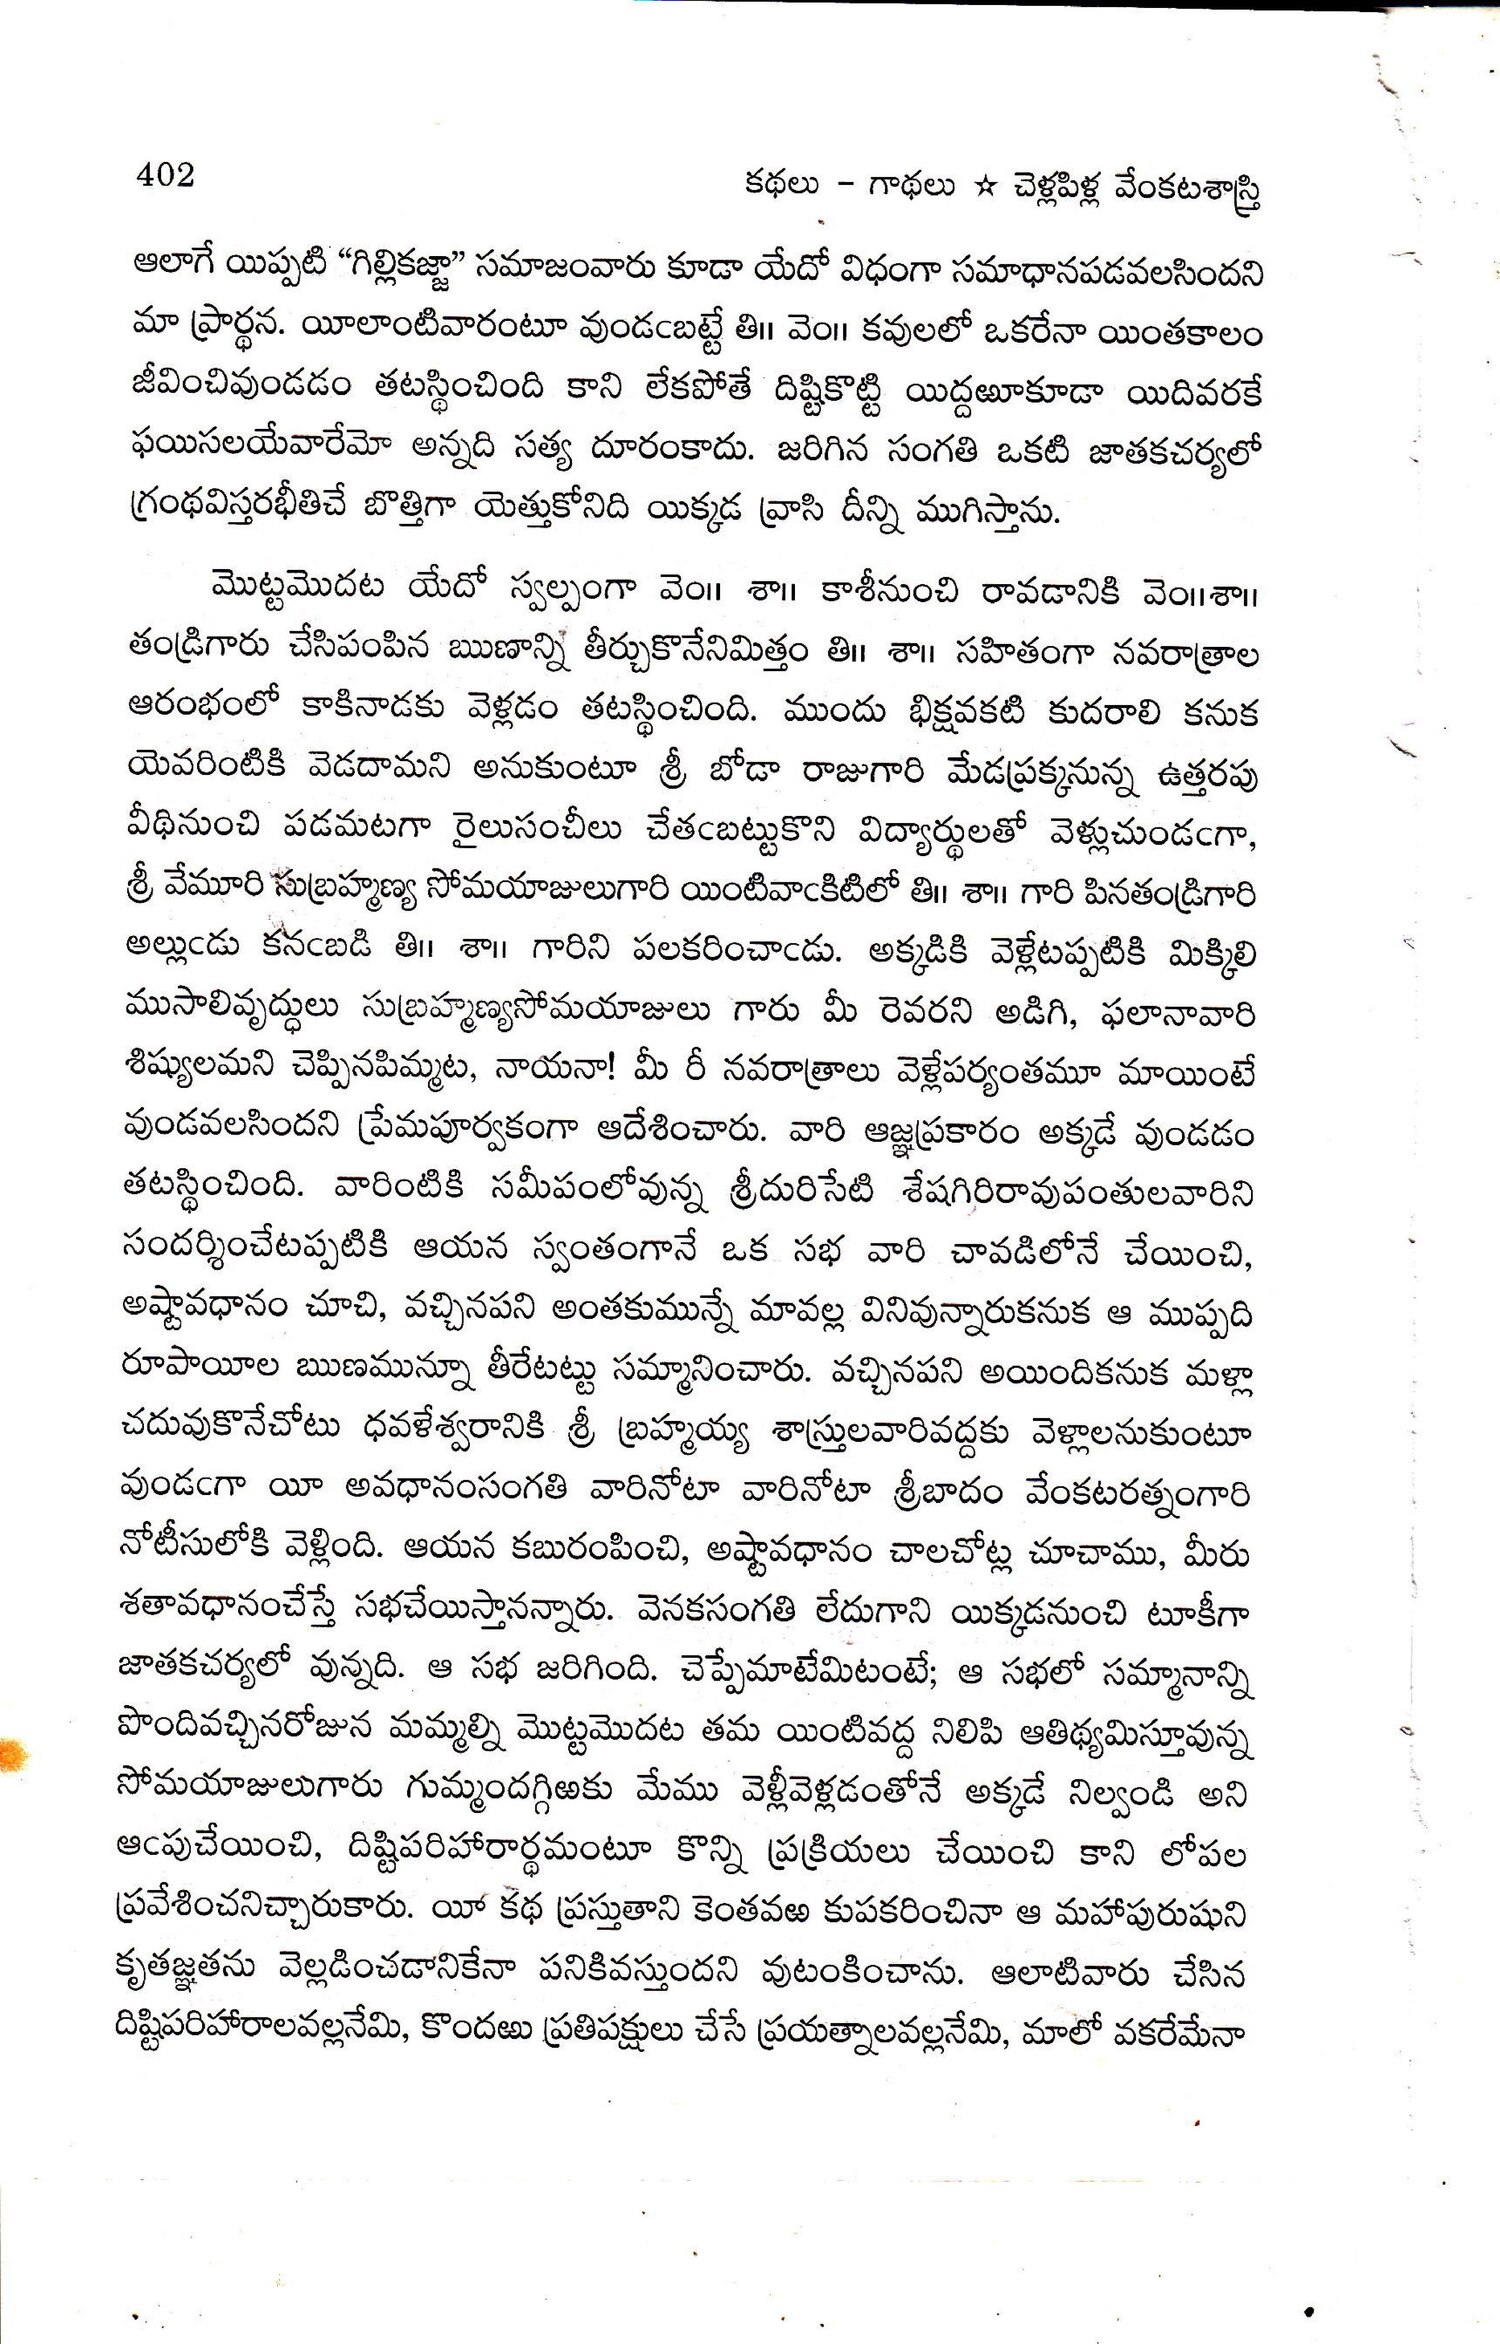ఆలాగే యిప్పటి "గిల్లికజ్జా" సమాజంవారు కూడా యేదో విధంగా సమాధానపడవలసిందని మా ప్రార్థన. యీలాంటివారంటూ వుండఁబట్టే తి|| వెం|| కవులలో ఒకరేనా యింతకాలం జీవించివుండడం తటస్థించింది కాని లేకపోతే దిష్టికొట్టి యిద్దఱూకూడా యిదివరకే ఫయిసలయేవారేమో అన్నది సత్య దూరంకాదు. జరిగిన సంగతి ఒకటి జాతకచర్యలో గ్రంథవిస్తరభీతిచే బొత్తిగా యెత్తుకోనిది యిక్కడ వ్రాసి దీన్ని ముగిస్తాను.

మొట్టమొదట యేదో స్వల్పంగా వెం|| శాII కాశీనుంచి రావడానికి వెం|l శా|| తండ్రిగారు చేసిపంపిన ఋణాన్ని తీర్చుకొనేనిమిత్తం తి|| శాII సహితంగా నవరాత్రాల ఆరంభంలో కాకినాడకు వెళ్లడం తటస్థించింది. ముందు భిక్షవకటి కుదరాలి కనుక యెవరింటికి వెడదామని అనుకుంటూ శ్రీ బోడా రాజుగారి మేడప్రక్కనున్న ఉత్తరపు వీథినుంచి పడమటగా రైలుసంచీలు చేతcబట్టుకొని విద్యార్థులతో వెళ్లుచుండఁగా, శ్రీ వేమూరి సుబ్రహ్మణ్య సోమయాజులుగారి యింటివాఁకిటిలో తి|| శాI| గారి పినతండ్రిగారి అల్లుఁడు కనcబడి తి|| శాI| గారిని పలకరించాఁడు. అక్కడికి వెళ్లేటప్పటికి మిక్కిలి ముసాలివృద్దులు సుబ్రహ్మణ్యసోమయాజులు గారు మీ రెవరని అడిగి, ఫలానావారి శిష్యులమని చెప్పినపిమ్మట, నాయనా! మీ రీ నవరాత్రాలు వెళ్లేపర్యంతమూ మాయింటే వుండవలసిందని ప్రేమపూర్వకంగా ఆదేశించారు. వారి ఆజ్ఞప్రకారం అక్కడే వుండడం తటస్థించింది. వారింటికి సమీపంలోవున్న శ్రీదురిసేటి శేషగిరిరావుపంతులవారిని సందర్శించేటప్పటికి ఆయన స్వంతంగానే ఒక సభ వారి చావడిలోనే చేయించి, అష్టావధానం చూచి, వచ్చినపని అంతకుమున్నే మావల్ల వినివున్నారుకనుక ఆ ముప్పది రూపాయీల ఋణమున్నూ తీరేటట్టు సమ్మానించారు. వచ్చినపని అయిందికనుక మళ్లా చదువుకొనేచోటు ధవళేశ్వరానికి శ్రీ బ్రహ్మయ్య శాస్త్రులవారివద్దకు వెళ్లాలనుకుంటూ వుండఁగా యీ అవధానంసంగతి వారినోటా వారినోటా శ్రీబాదం వేంకటరత్నంగారి నోటీసులోకి వెళ్లింది. ఆయన కబురంపించి, అష్టావధానం చాలచోట్ల చూచాము. మీరు శతావధానంచేస్తే సభచేయిస్తానన్నారు. వెనకసంగతి లేదుగాని యిక్కడనుంచి టూకీగా జాతకచర్యలో వున్నది. ఆ సభ జరిగింది. చెప్పేమాటేమిటంటే, ఆ సభలో సమ్మానాన్ని పొందివచ్చినరోజున మమ్మల్ని మొట్టమొదట తమ యింటివద్ద నిలిపి ఆతిథ్యమిస్తూవున్న సోమయాజులుగారు గుమ్మందగ్గిఱకు మేము వెళ్లీవెళ్లడంతోనే అక్కడే నిల్వండి అని ఆఁపుచేయించి, దిష్టిపరిహారార్థమంటూ కొన్ని ప్రక్రియలు చేయించి కాని లోపల ప్రవేశించనిచ్చారుకారు. యీ కథ ప్రస్తుతాని కెంతవఱ కుపకరించినా ఆ మహాపురుషుని కృతజ్ఞతను వెల్లడించడానికేనా పనికివస్తుందని వుటంకించాను. ఆలాటివారు చేసిన దిష్టిపరిహారాలవల్లనేమి, కొందఱు ప్రతిపక్షులు చేసే ప్రయత్నాలవల్లనేమి, మాలో వకరేమేనా